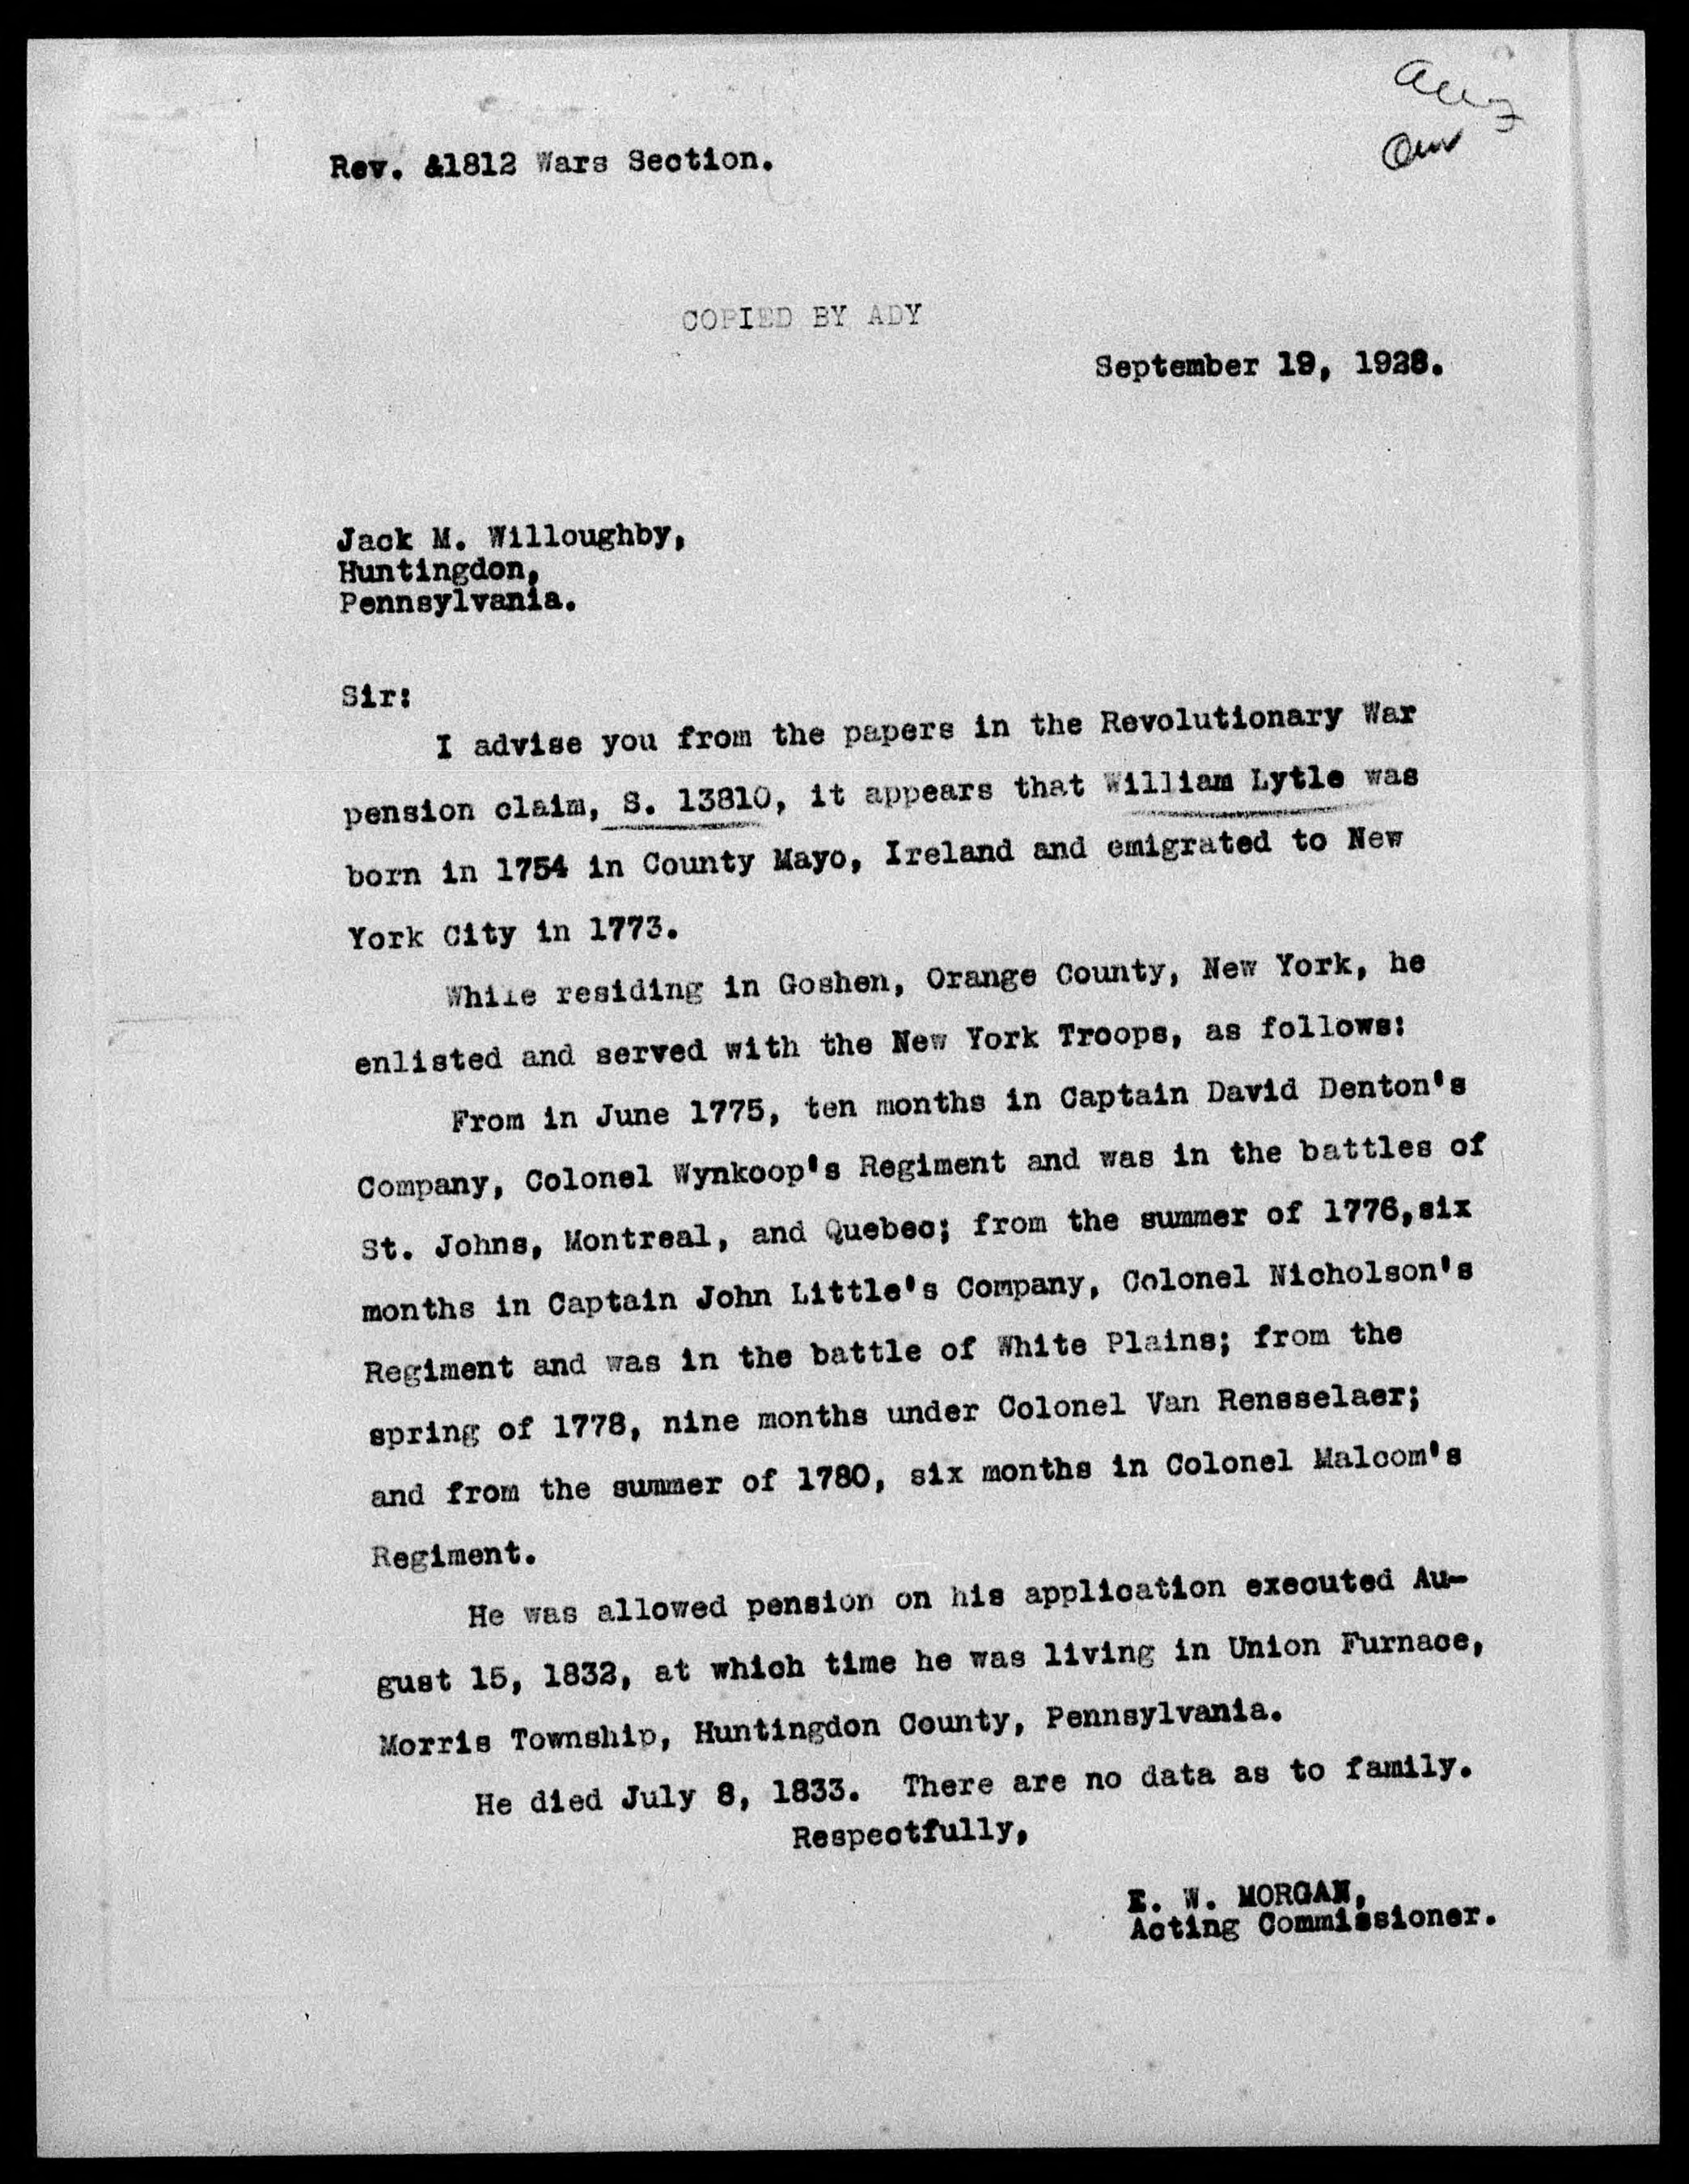Rev. 1812 Wars Section.
COPIED BY ADY

September 19, 1923.

Jack M. Willoughby,
Huntingdon,
Pennsylvania.

Sir:

I advise you from the papers in the Revolutionary War pension claim, S. 13810, it appears that William Lytle was born in 1754 in County Mayo, Ireland and emigrated to New York City in 1773.
While residing in Goshen, Orange County, New York, he enlisted and served with the New York Troops, as follows:
From in June 1775, ten months in Captain David Denton's Company, Colonel Wynkoop's Regiment and was in the battles of St. Johns, Montreal, and Quebec; from the summer of 1776, six months in Captain John Little's Company, Colonel Nicholson's Regiment and was in the battle of White Plains; from the
spring of 1778, nine months under Colonel Van Rensselaer; and from the summer of 1780, six months in Colonel Malcom's Regiment.
He was allowed pension on his application executed August 15, 1832, at which time he was living in Union Furnace, Morris Township, Huntingdon County, Pennsylvania.
He died July 8, 1833. There are no data as to family.
Respectfully,
E.W. MORGAN
Acting Commissioner.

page: 9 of 24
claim: survivor's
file: S. 13810, for William Lytle, New York